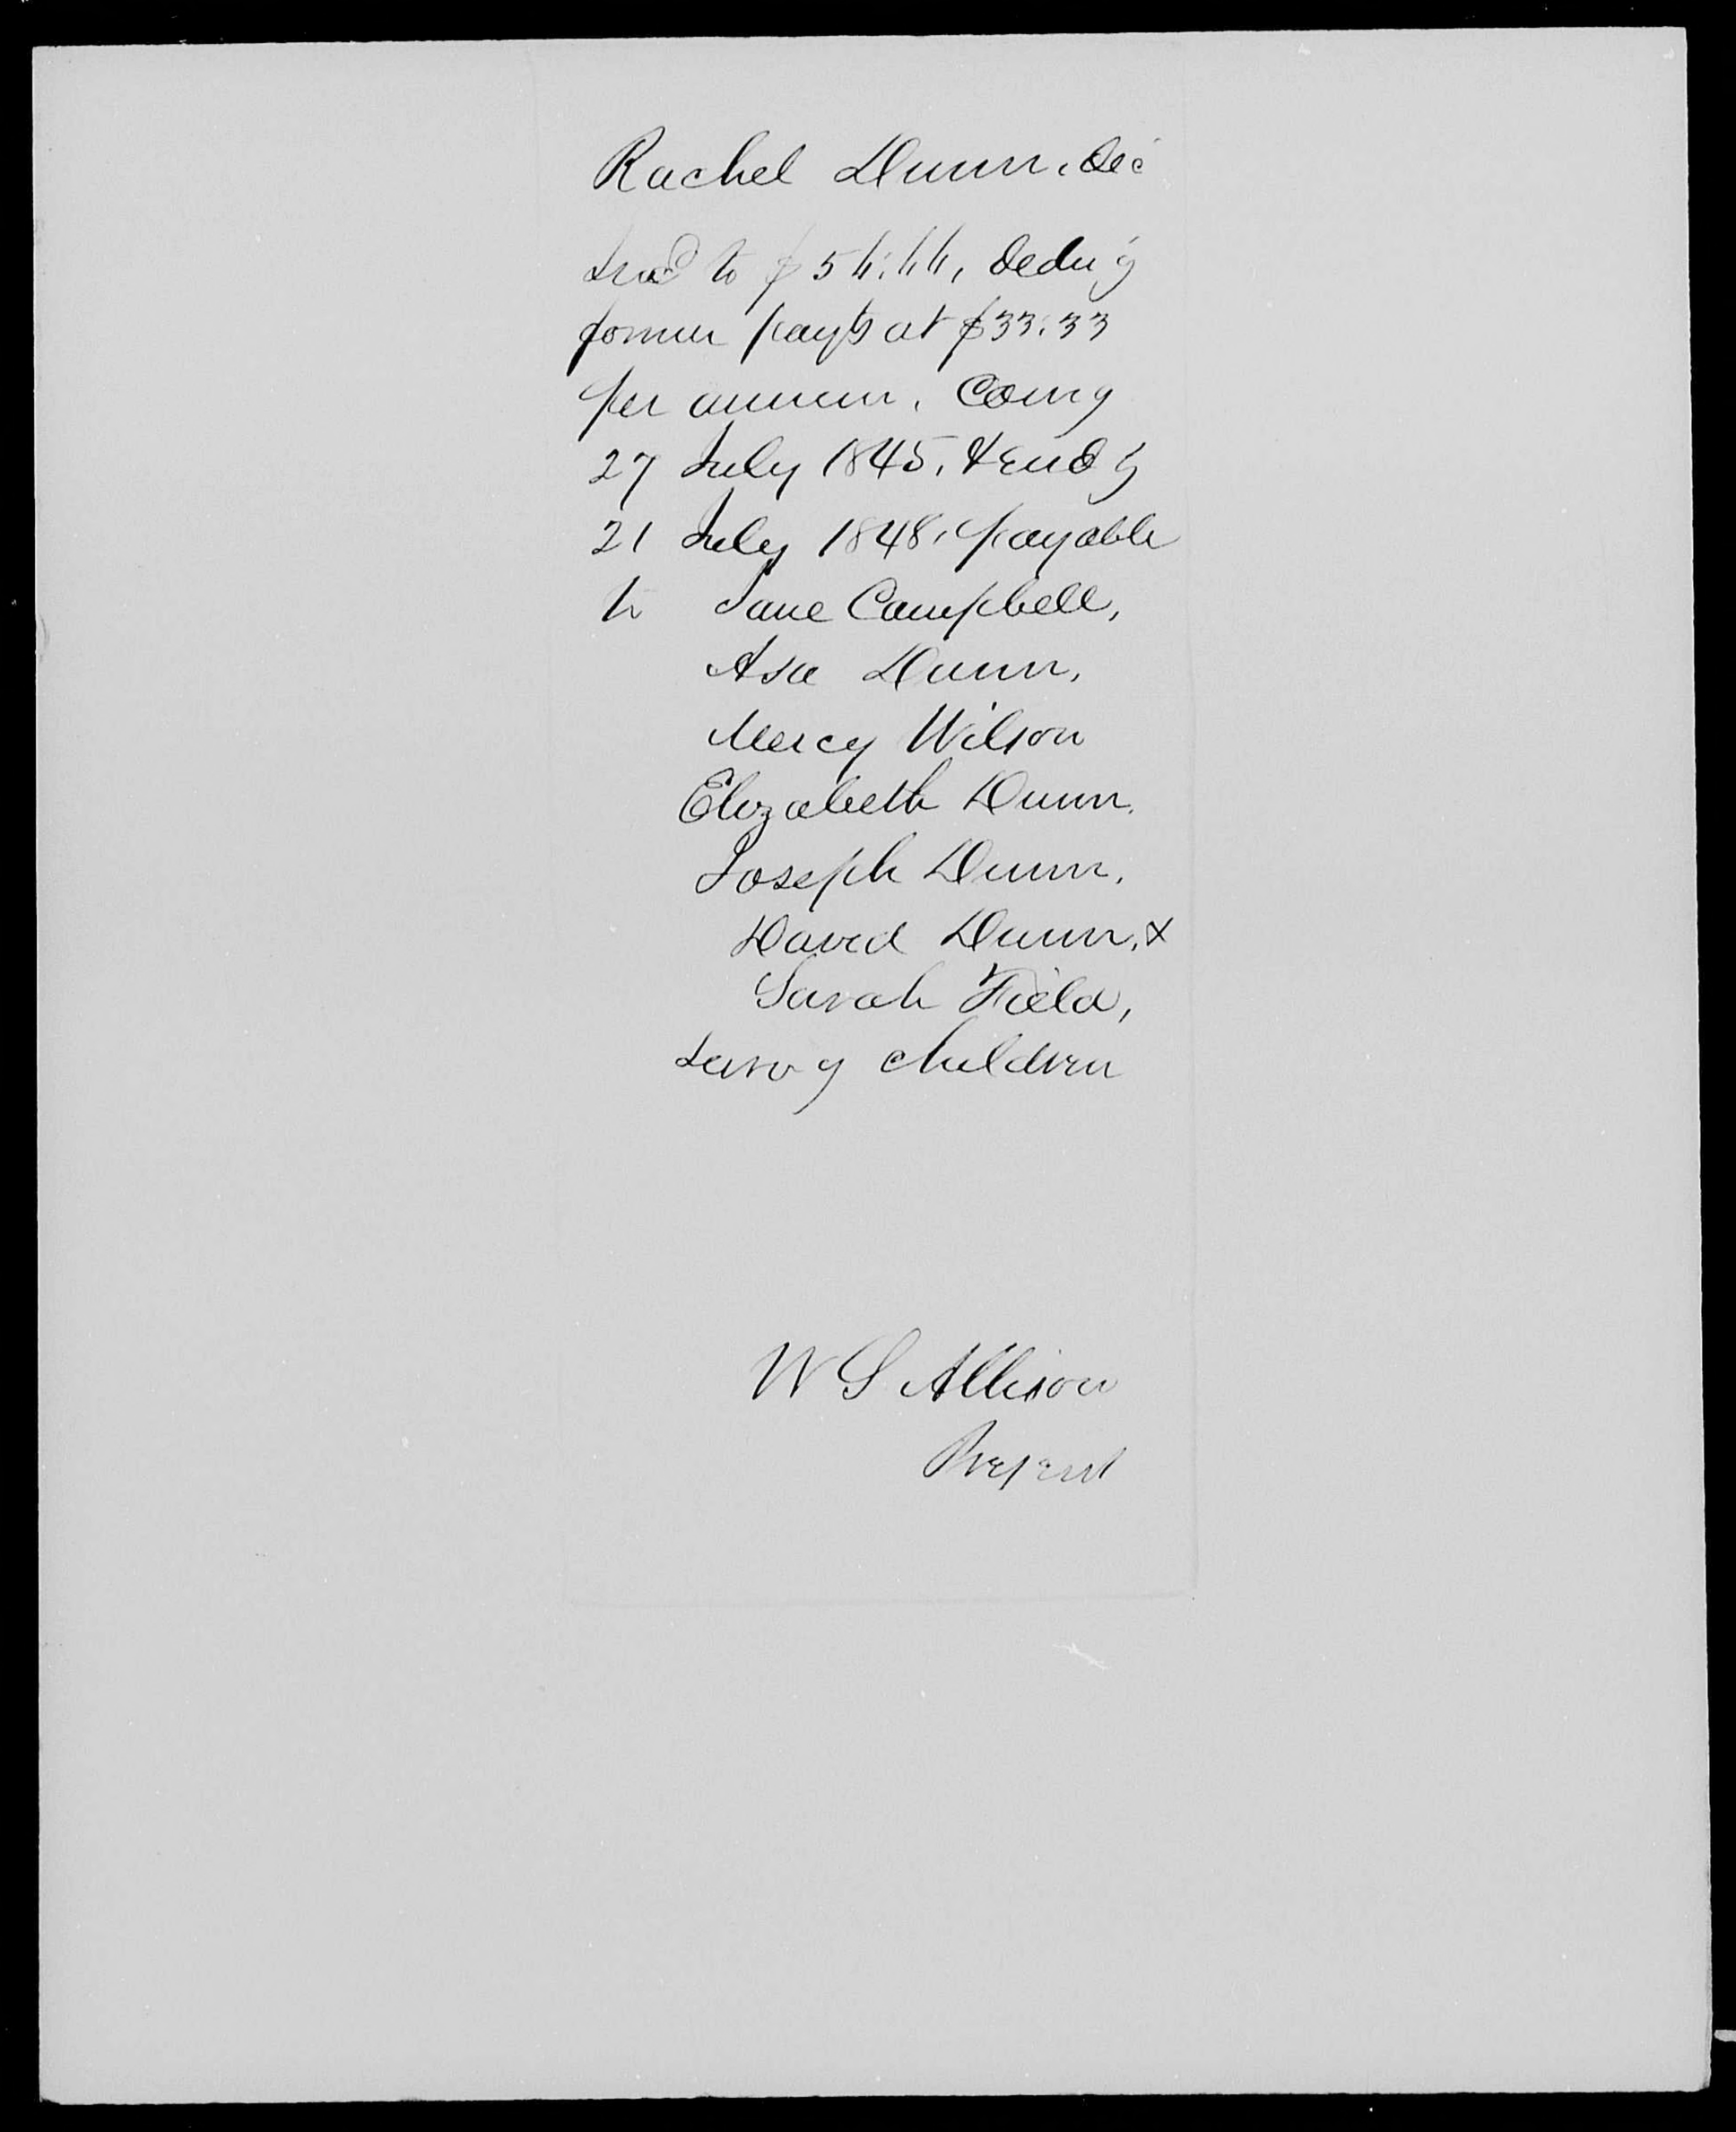Rachel Dunn, dec
ed to $54.66, deding
former payts at $33.33
per annum, [illegible]
27 July 1845, & end of
21 July 1848, payable
to
Jane Campbell,
Asa Dunn
Mercy Wilson
Elizabeth Dunn
Joseph Dunn,
David Dunn, &
Sarah Field,
leaving children
W S Allison
Present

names: Joseph Dunn, W S Allison, Rachel Dunn, Asa Dunn, Jane Campbell, Elizabeth Dunn, Sarah Field, Mercy Wilson, David Dunn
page: 25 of 52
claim: widow's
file: W. 919, Joel Dunn, New Jersey